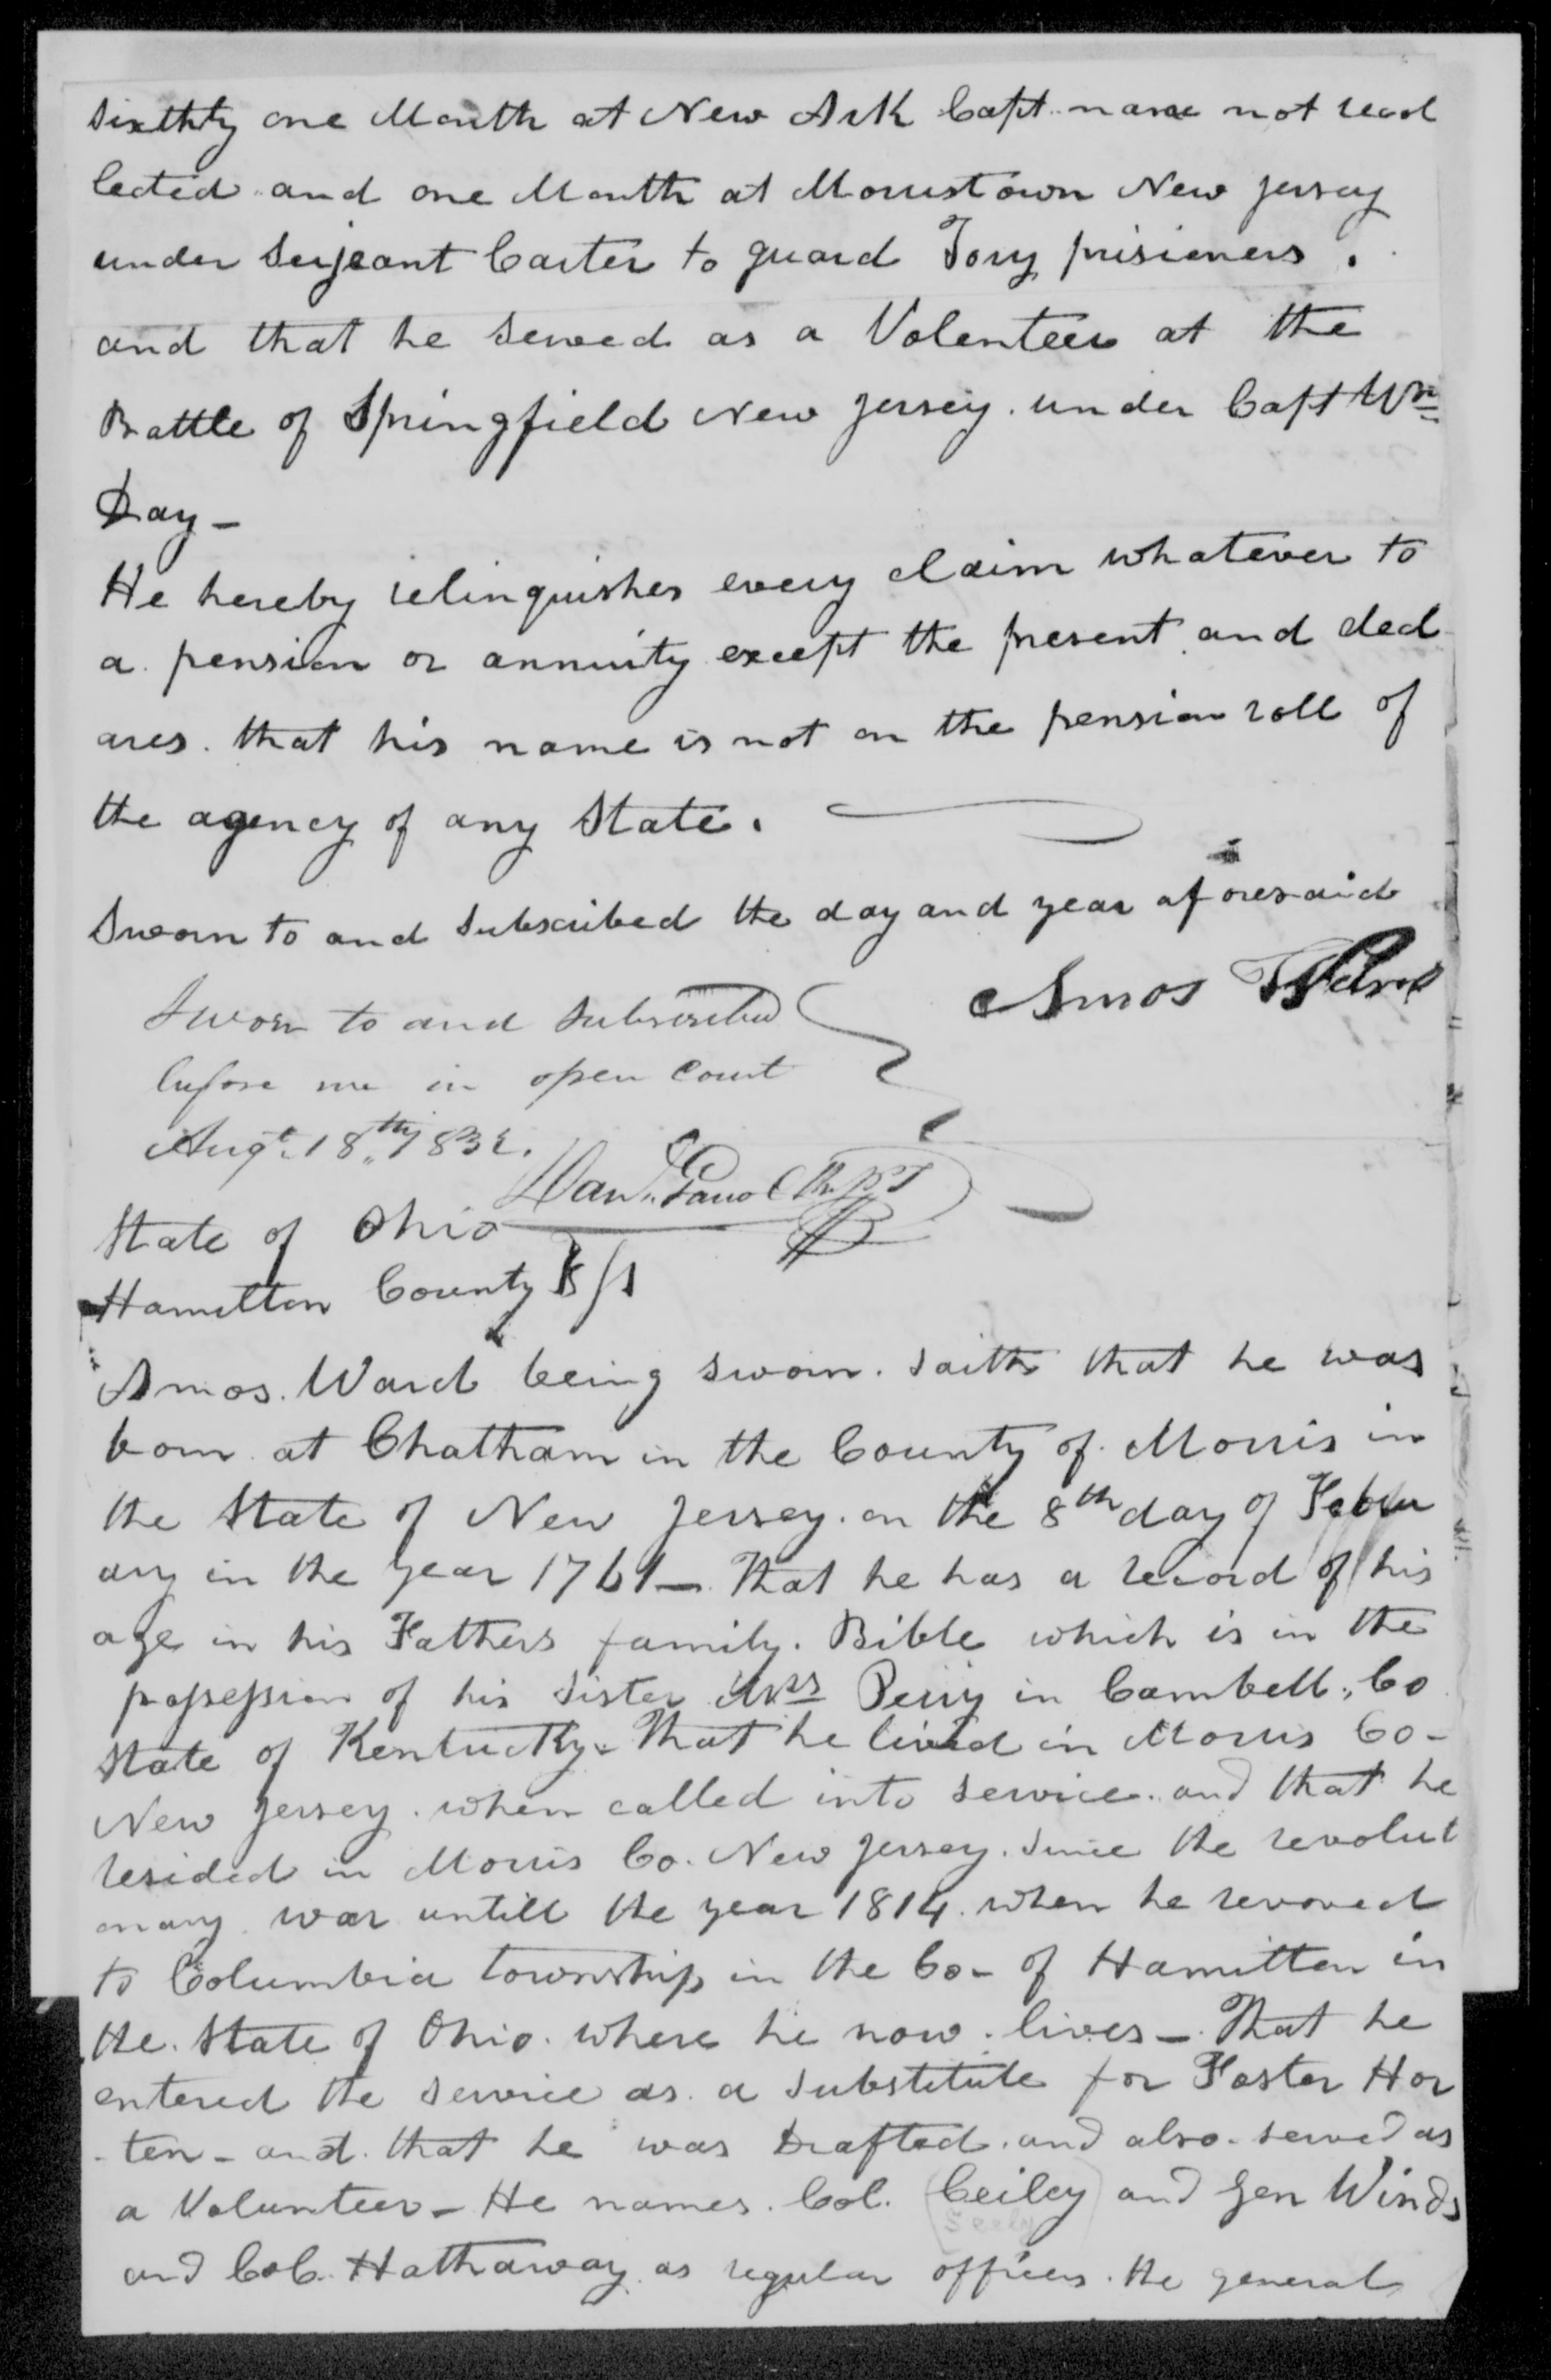Sixthly one Month at New Ark Capt name not recollected and one month at Morristown New Jersey under Serjeant Carter to guard Tory prisioners .and that he served as a Volenteer at the Battle of Springfield New Jersey under Capt Wm Day- 
He hereby relinquishes every claim whatever to a pension or annuity except the present and declares. that his name is not on the pension roll of the agency of any State. 
Sworn to and subscribed the day and year aforesaid 
Amos Ward
Sworn to and Subscribed before me in open Court Aug 18th 1832. 
Danl,, Gano Cmn Pl 

State of Ohio 
Hamilton County } ss
Amos Ward being sworn. saith that he was born at Chatham in the County of Morris in the State of New Jersey. on the 8th day of February in the year 1761 - That he has a record of his age in his Fathers family. Bible which is in the possession of his sister Mrs Perry in Cambell., Co State of Kentucky & That he lived in Morris Co. New Jersey .when called into service. and that he resided in Morris Co. New Jersey. Since the Revolutionary war untill the year 1814. when he removed to Columbia township in the Co. of Hamilton in the State of Ohio. where he now lives - That he entered the service as a substitute for Foster Horten __ and. that he was Drafted, and also served as a volunteer. He names, Col. Ceiley and Gen Winds and Col. Hathaway as regular officers. the generals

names: Carter, Amos Ward, Ceiley, Danl Gano, Perry, Hathaway, Winds, Wm Day, Foster Horten, Amos Ward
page: 6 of 18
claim: survivor's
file: S. 4718, Amos Ward, New Jersey